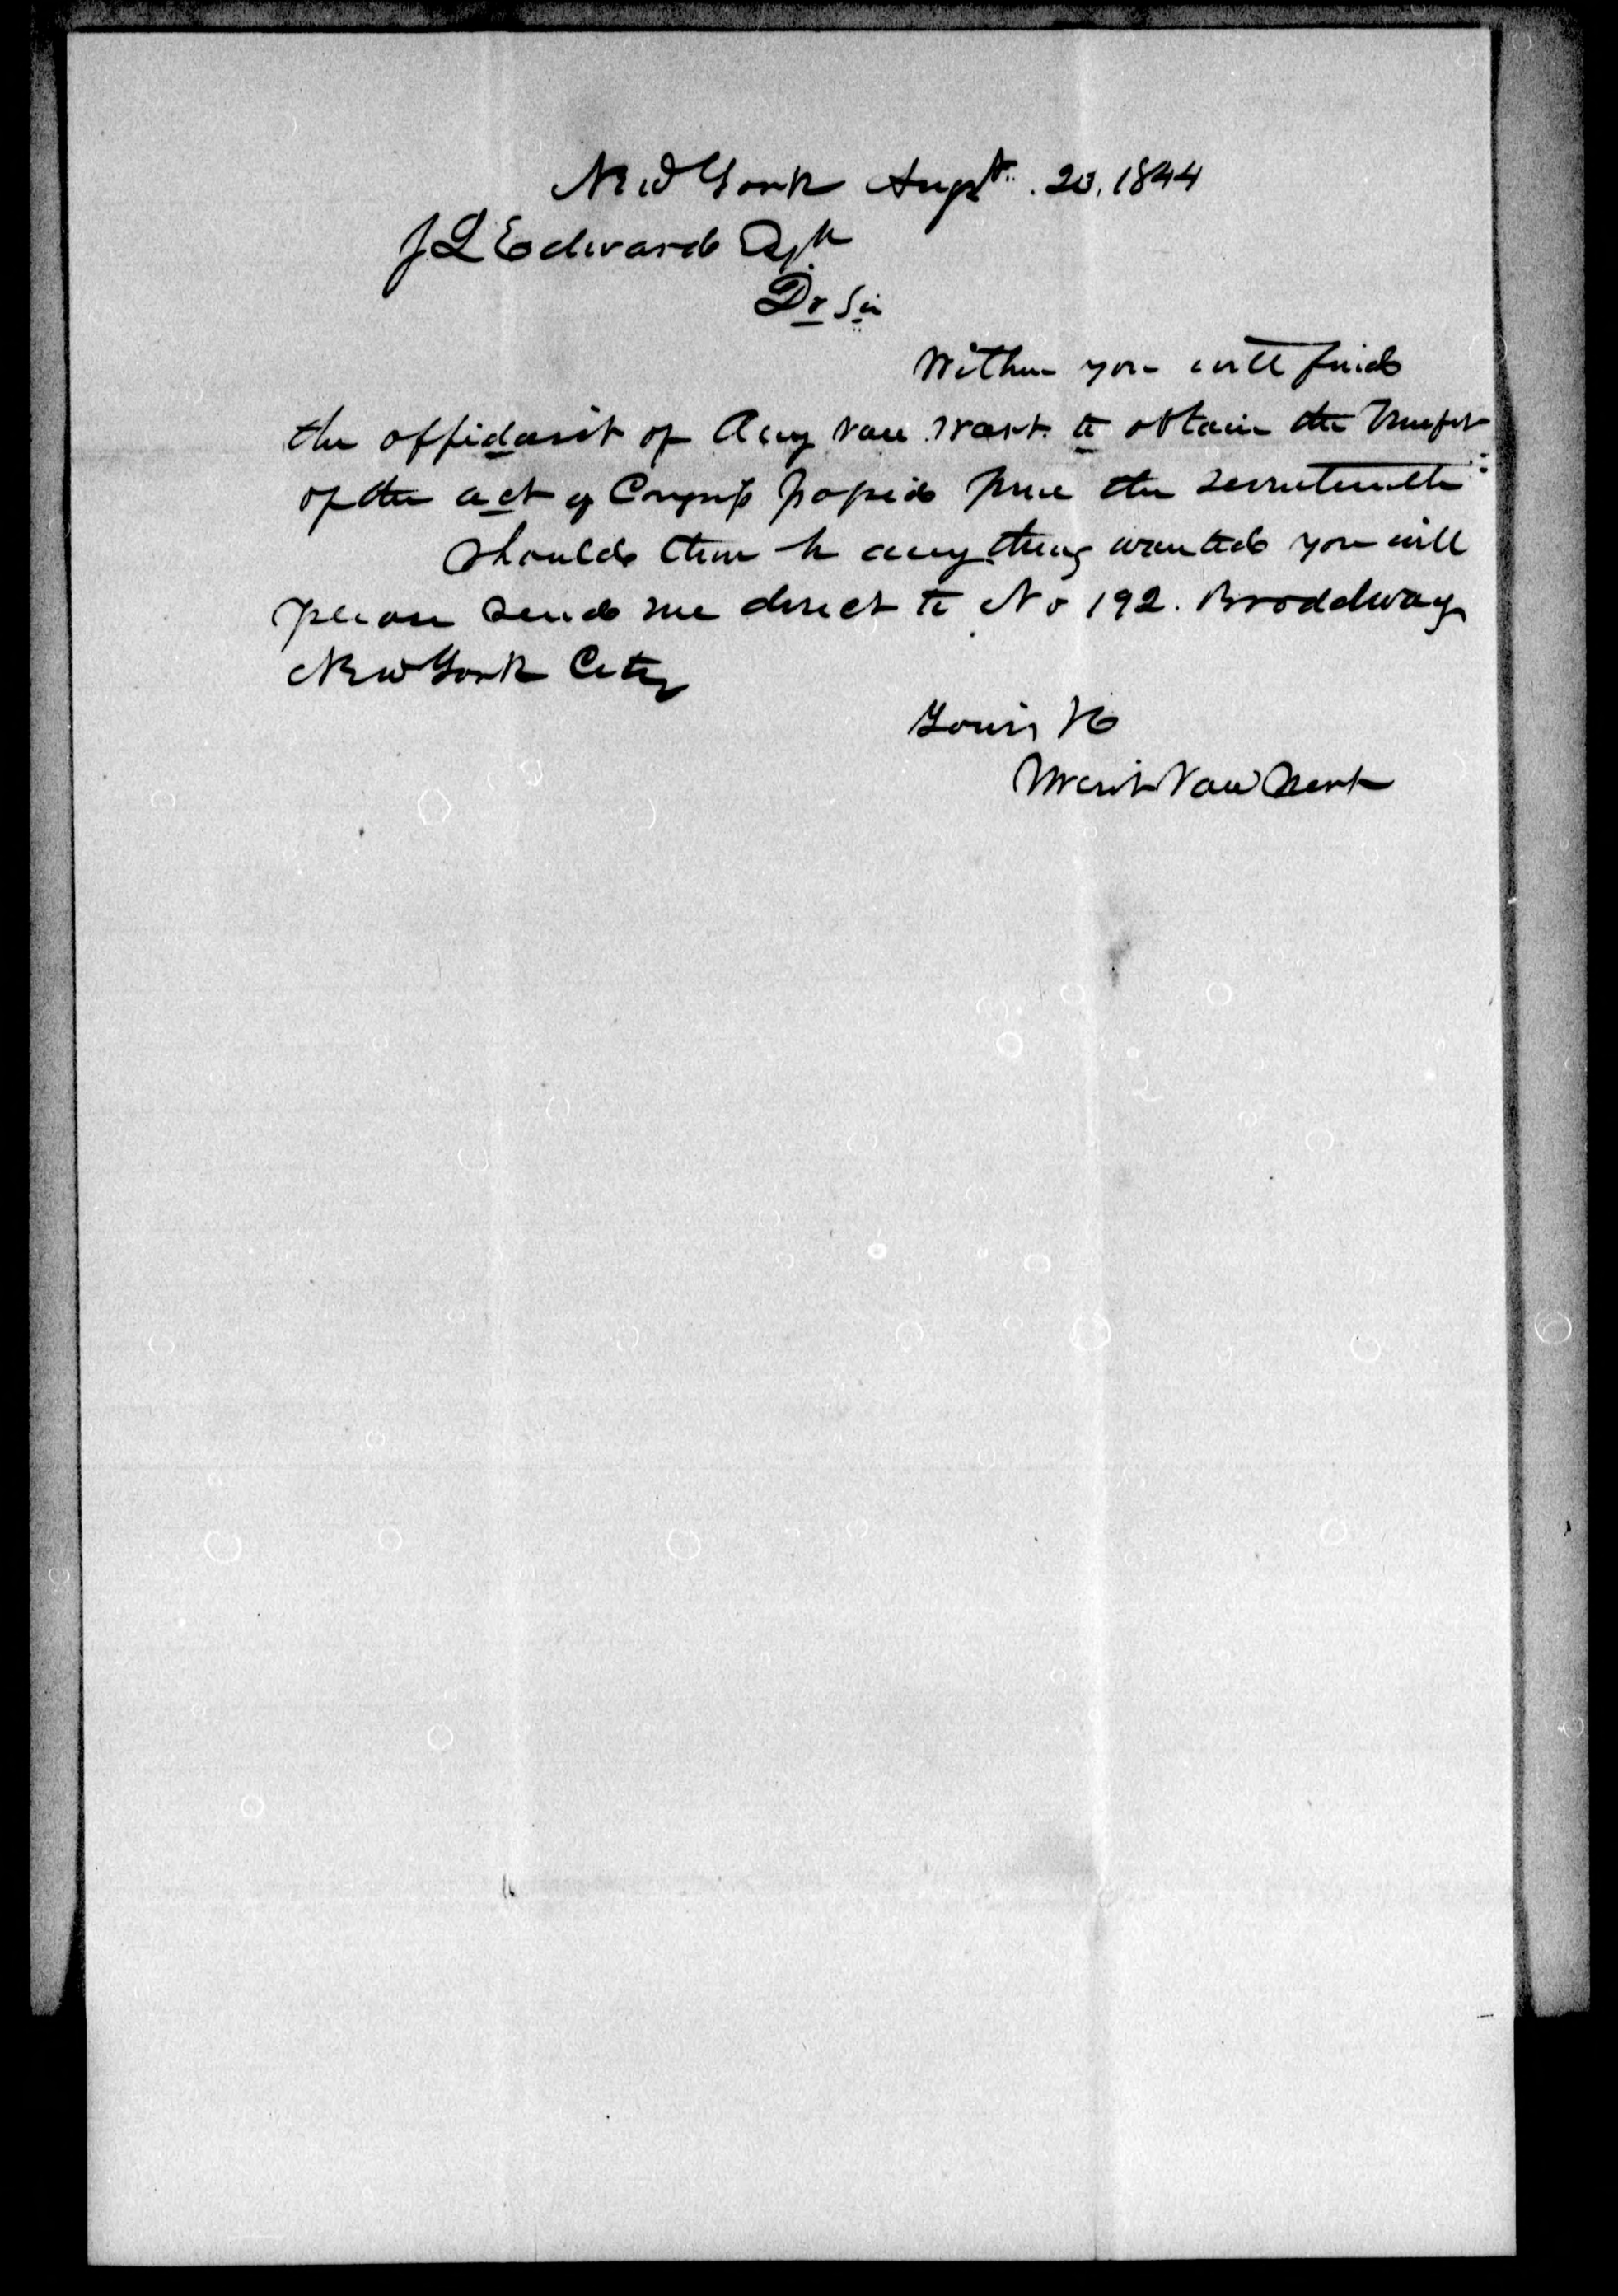New York August 20, 1844 
J L Edwards Esq
Dr Sir 
Within you will find the affidavit of Amy Van Wart to obtain the benefit of the act of Congress passed June the seventeenth 
Should there be any thing wanted you will please send me direct to No 192 Broadway New York City 
Yours VG
[signed] Merrit Van Wert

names: Merit Van Wert, J L Edwards, Amy Van Wart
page: 83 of 102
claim: widow's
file: W. 18239, Isaac Van Wart, New York